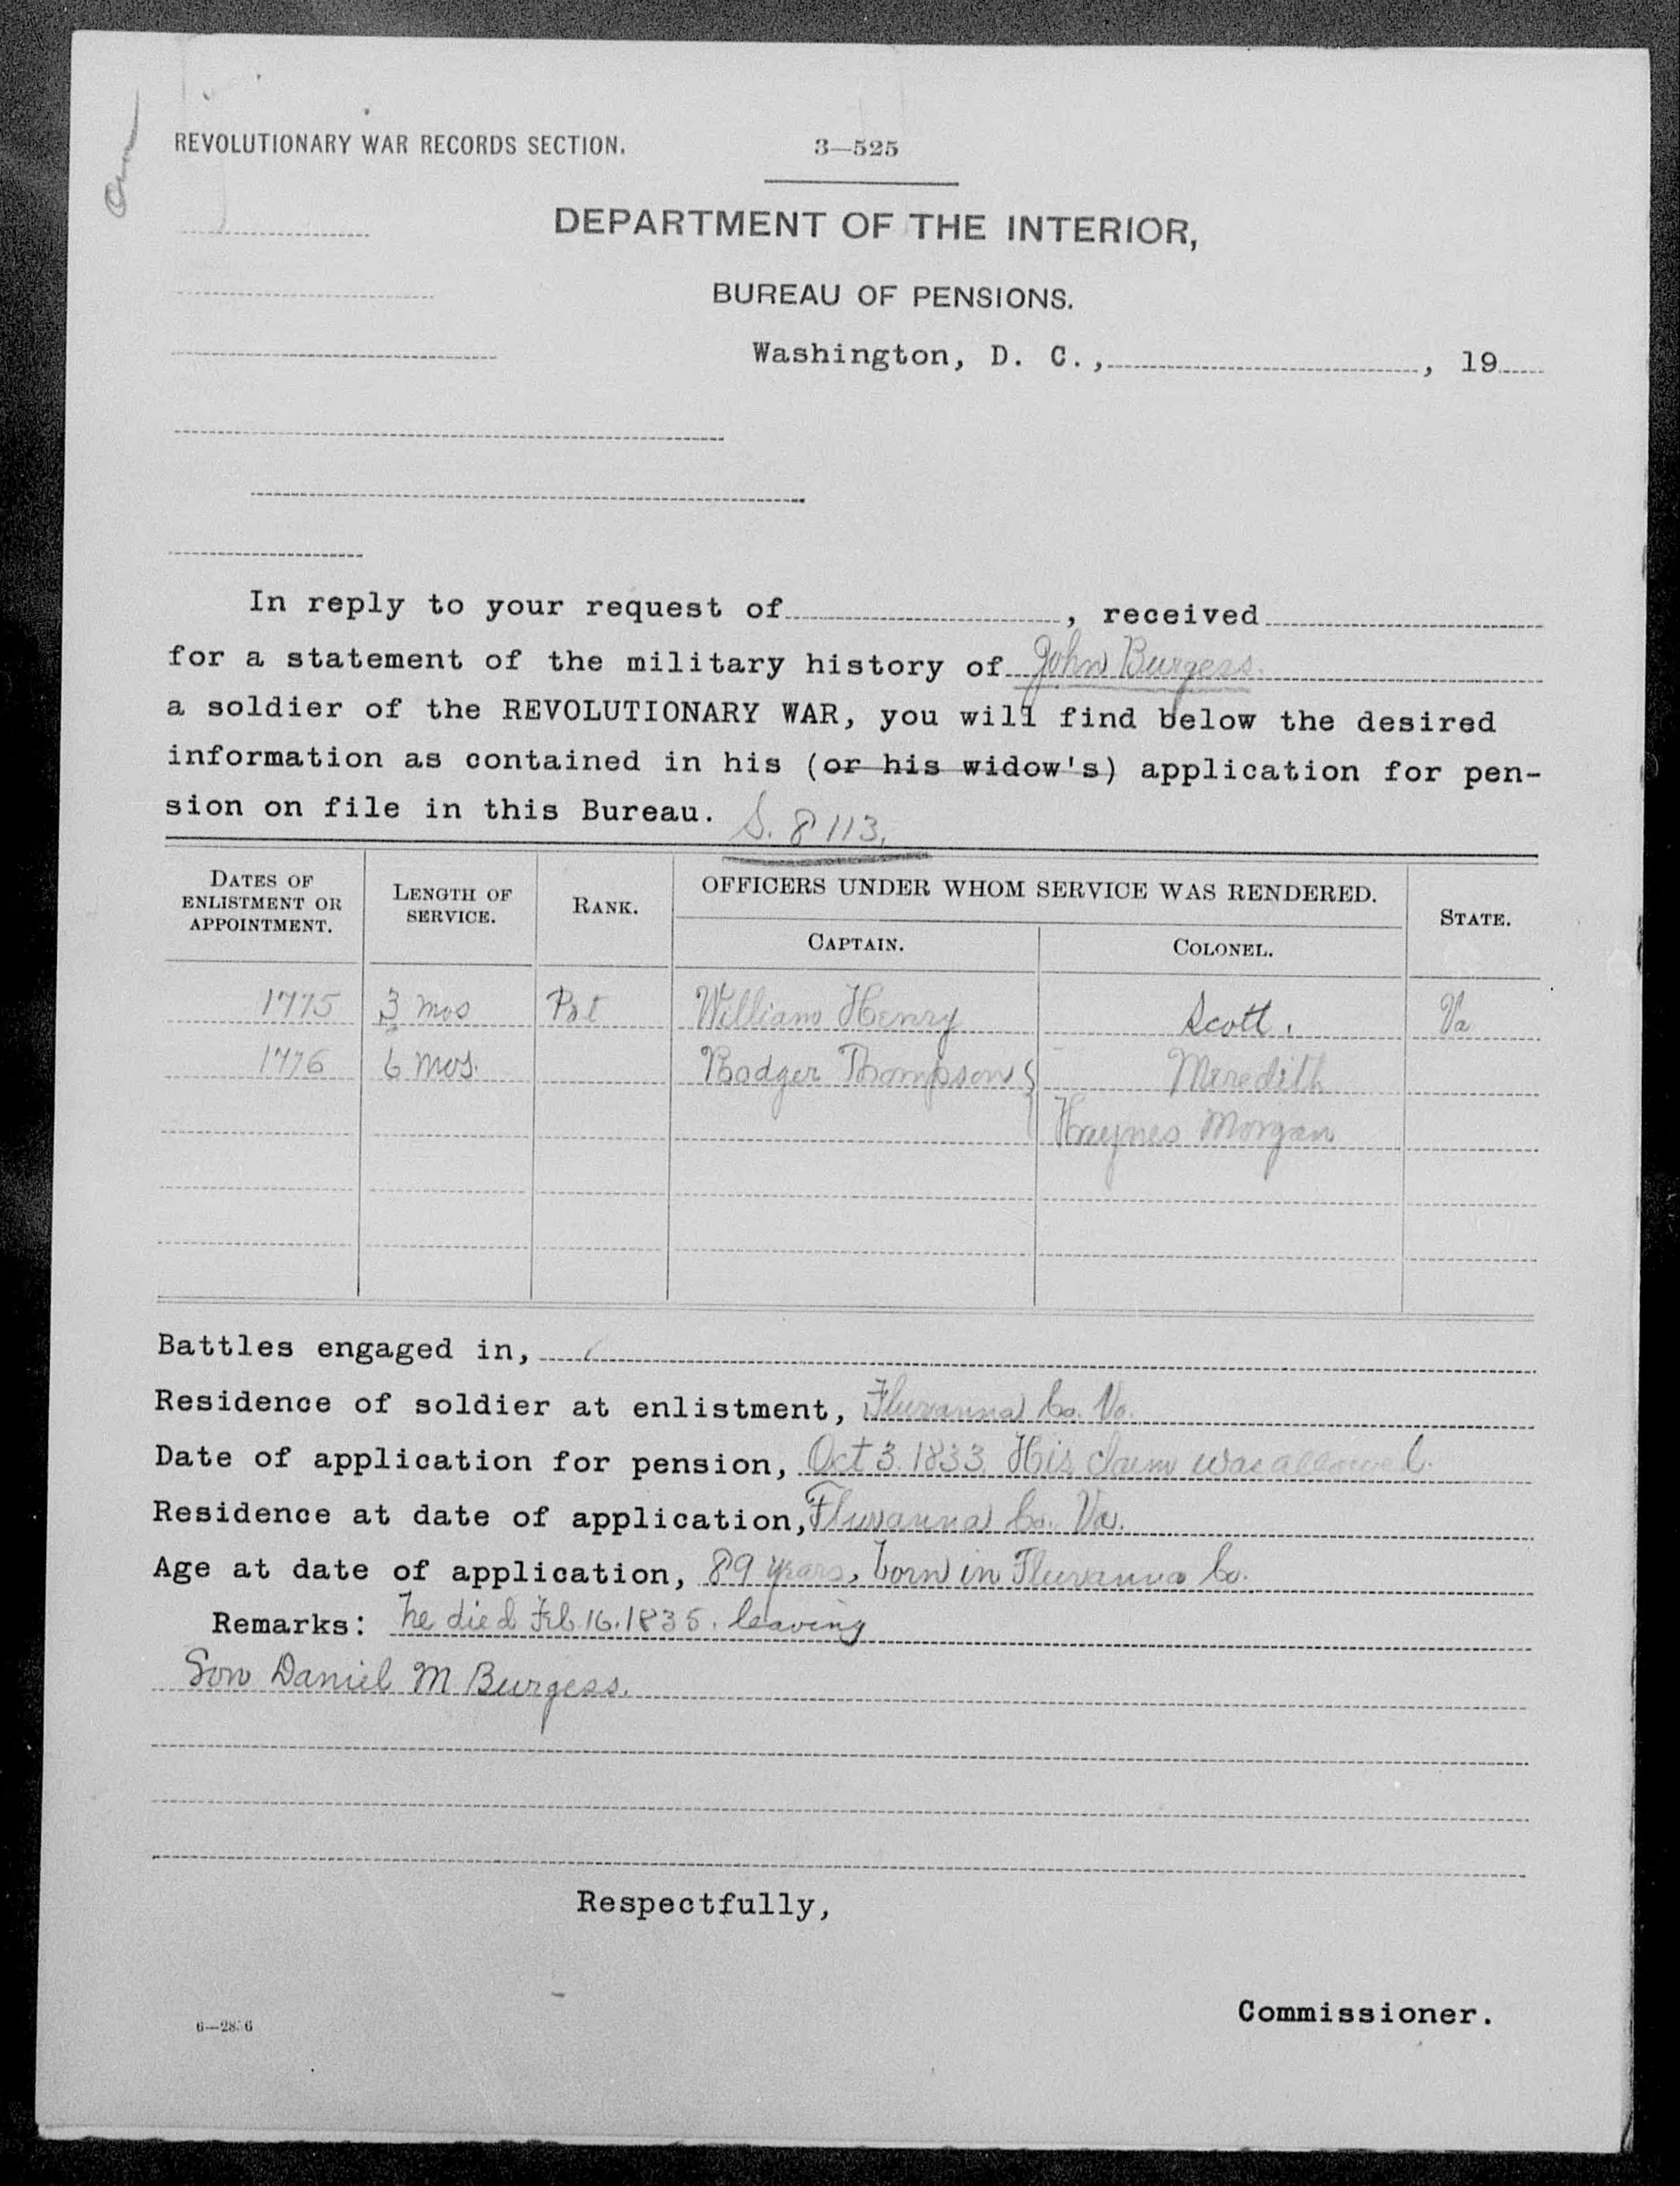Revolutionary War Records Section  3-525
Department of the Interior
Bureau of Pensions.
Washington, D.C.

In reply to your request of ________, received _______for a statement of the REVOLUTIONARY WAR, you will find below the desired information as contained in his (or his Widow's) application for pension on file in this Bureau.  S8113
Dates of Enlistment or Appointment
1775
1776
Length of Service
3 mos
6 mos
Rank.
Pvt.
Captain.
William Henry
Roger Thompson
Colonel:
Scott
Meredith
Haynes Morgan
State
Va
Battles engaged in ________
Residence of soldier at enlistment, Fluvanna Co. Va
Date of application for pension, Oct. 3 1833, His claim was allowed
Residence at date of application, Fluvanna Co. Va
Age at date of application, 89 years, born in Fluvanna Co.
Remarks:  he died Feb. 16, 1835, leaving Son Daniel M. Burgess
Respectfully
Commissioner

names: Daniel M Burgess, Meredith, John Burgess, William Henry, Scott, Haynes Morgan, Rodger Thompson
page: 13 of 16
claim: survivor's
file: S. 8113, John Burgess, Va.